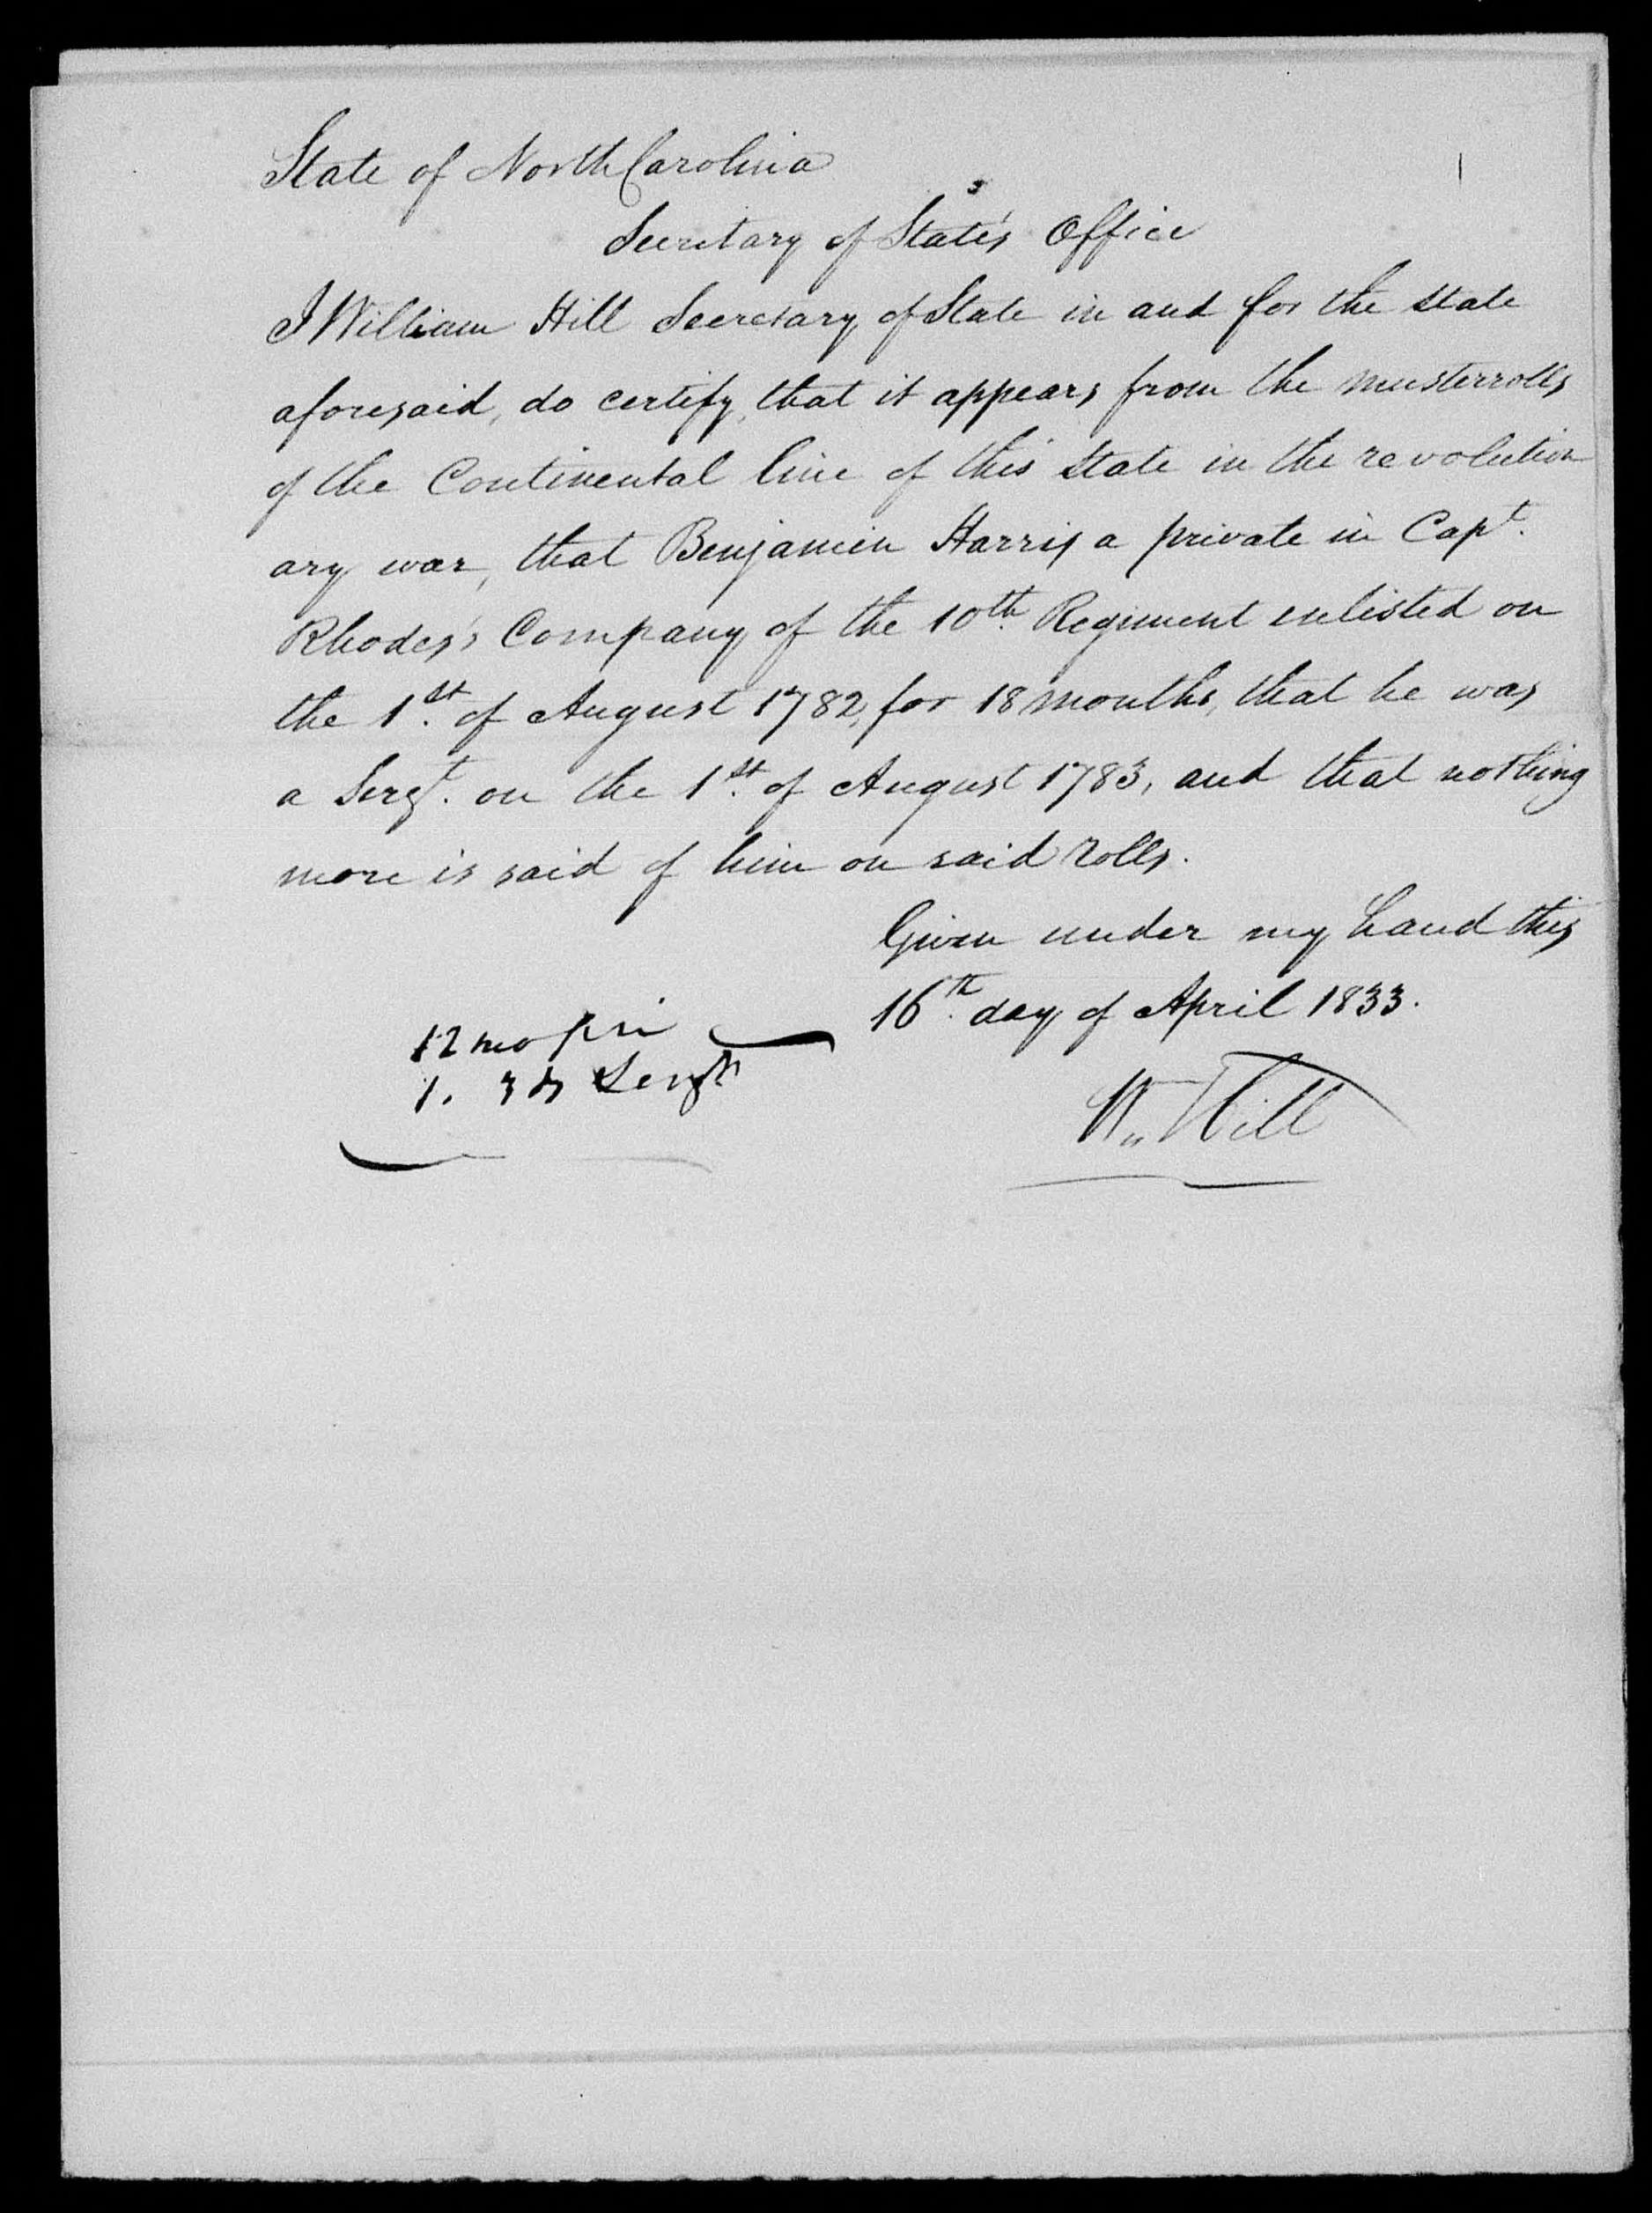State of North Carolina Secretary of States Office 

I William Hill Secretary of State in and for the State aforesaid, do certify, that it appears from the musterrolls of the Continental line of this State in the revolutionary war, that Benjamin Harris a private in Capt Rhodes Company of the 10th Regiment enlisted on the 1st of August 1782 for 18 months, that he was a Sergt on the 1st of August 1783, and that nothing more is said of him on said rolls

Given under my hand this 16th day of April 1833 
Wm Hill

12 mo priv
1. 3 m Sergt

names: W Will, William Hill, Benjamin Harris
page: 25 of 62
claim: survivor's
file: S. 38816, Benjamin Harris, Mass.